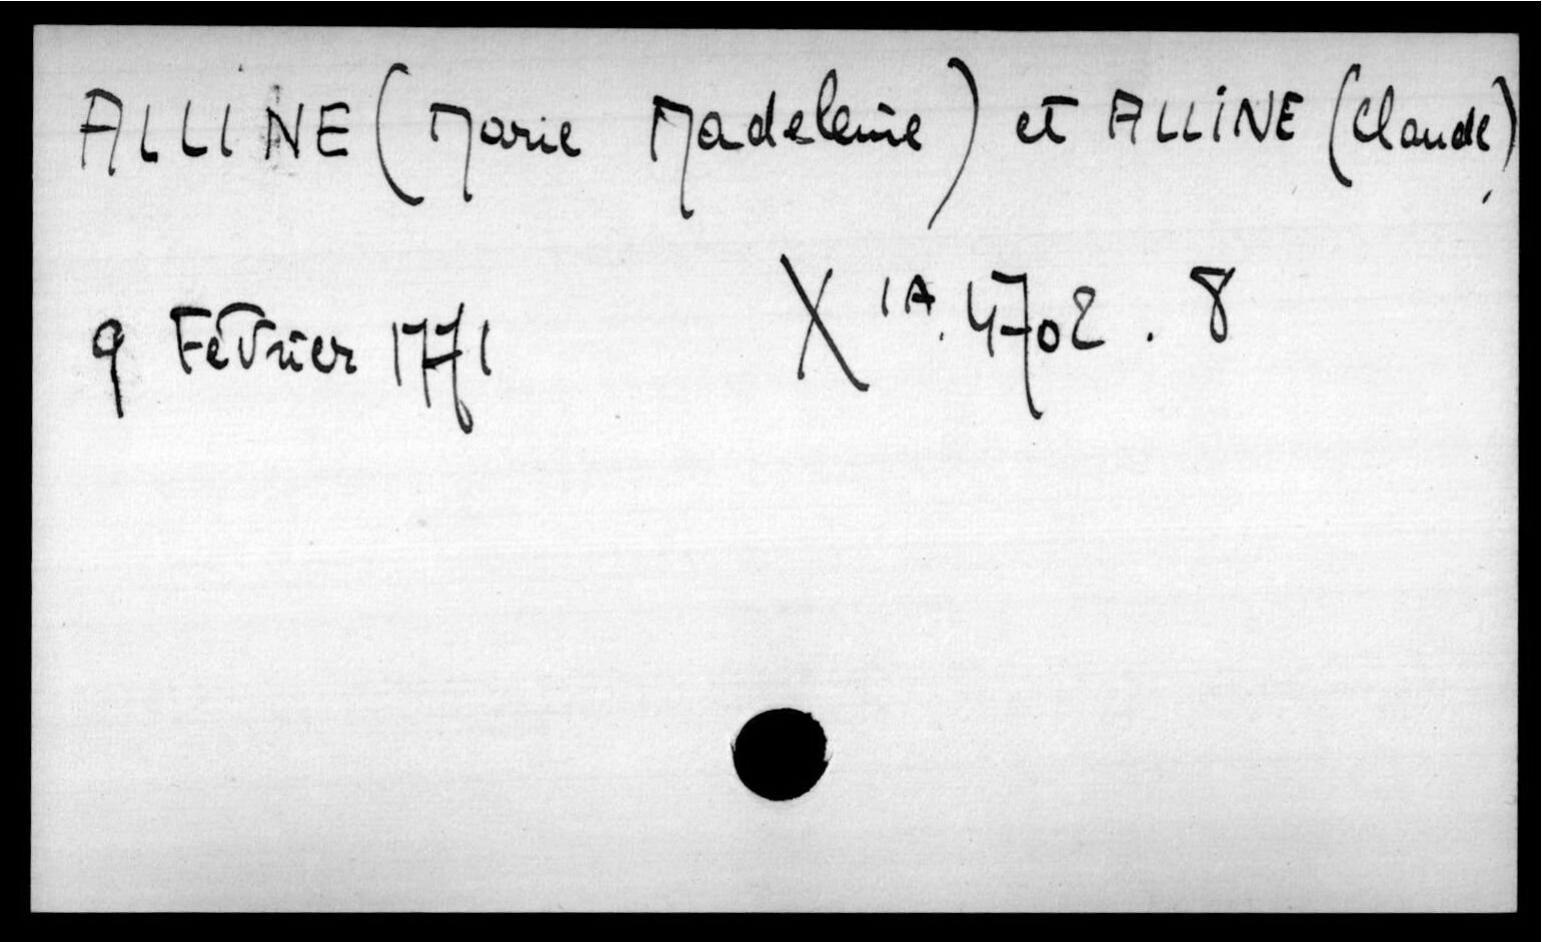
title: ALLINE (Marie Madeleine) et ALLINE (Claude)
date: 9 février 1771
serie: X1A
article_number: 4702
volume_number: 8
